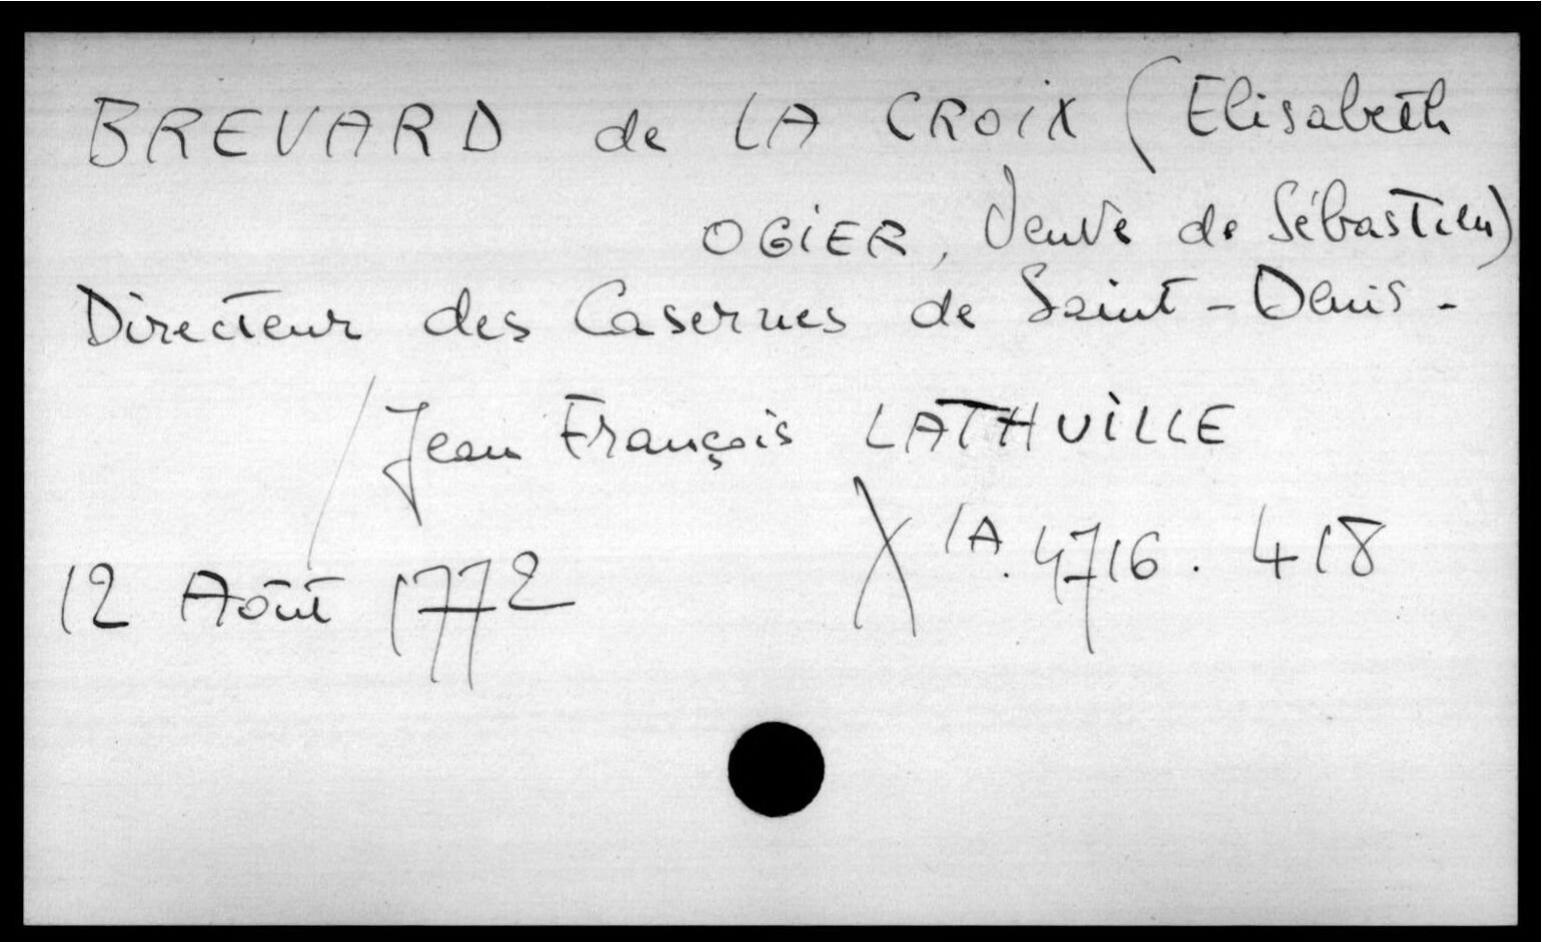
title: BREVARD de LA CROIX (Élisabeth OGIER, veuve de Sébastien) Directeur des Casernes de Saint-Denis.
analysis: Contre Jean François LATHUILLE
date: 12 août 1772
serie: X1A
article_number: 4716
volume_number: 418
